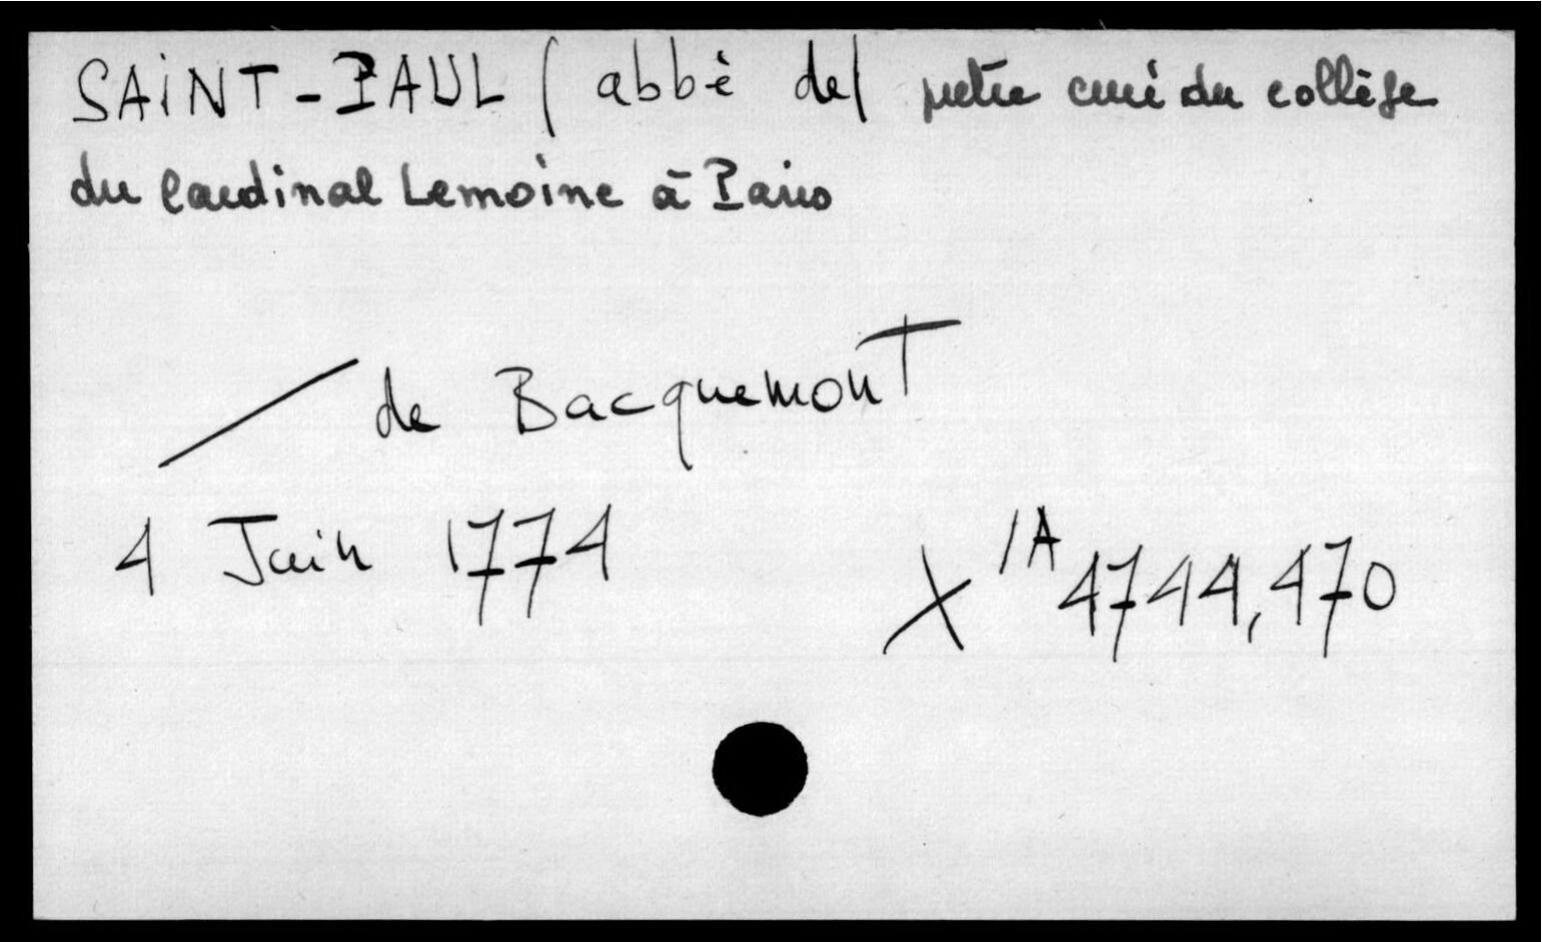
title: SAINT-PAUL (abbé de) prêtre curé du collège du cardinal Lemoine à Paris
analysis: Contre de Bacquemont
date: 4 juin 1774
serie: X1A
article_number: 4744
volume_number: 470
